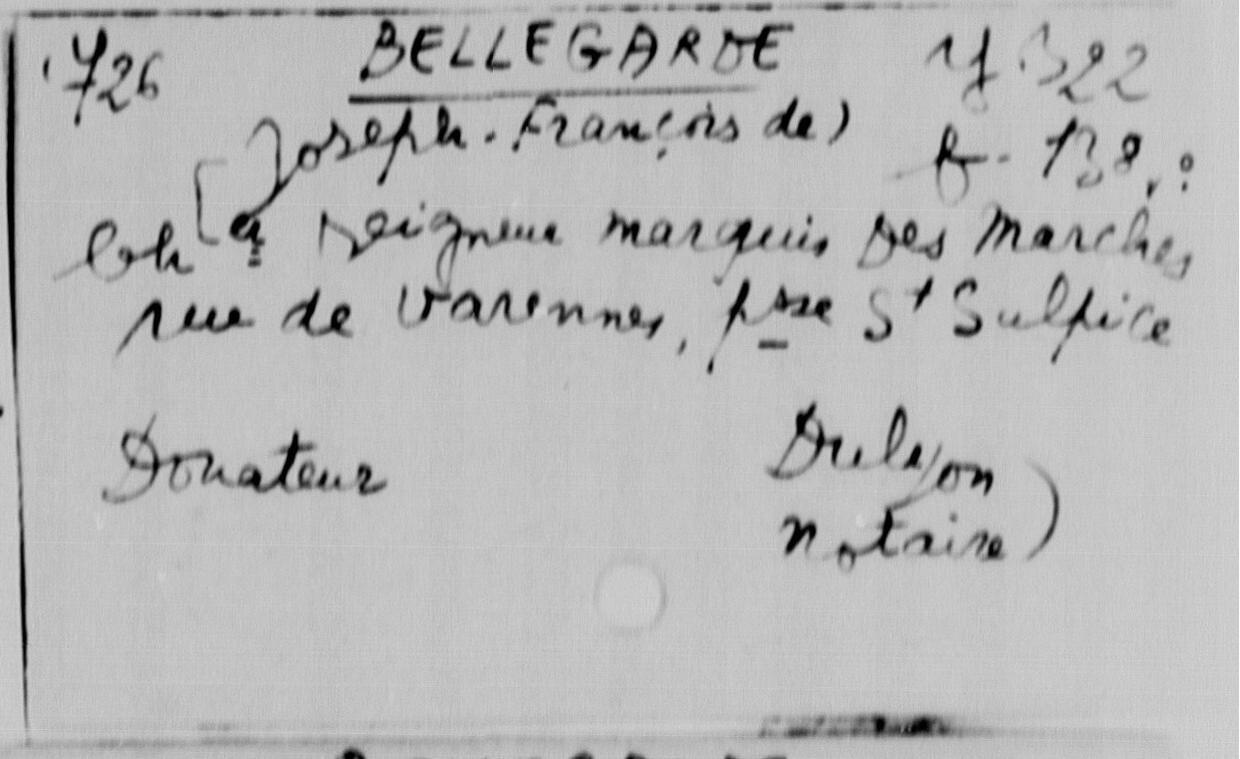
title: BELLEGARDE (Joseph-François de)
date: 1726
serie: Y
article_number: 322
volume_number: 138v
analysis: Chevalier seigneur marquis des Marches, rue de Varennes, paroisse Saint-Sulpice. Donateur Dulyon notaire
